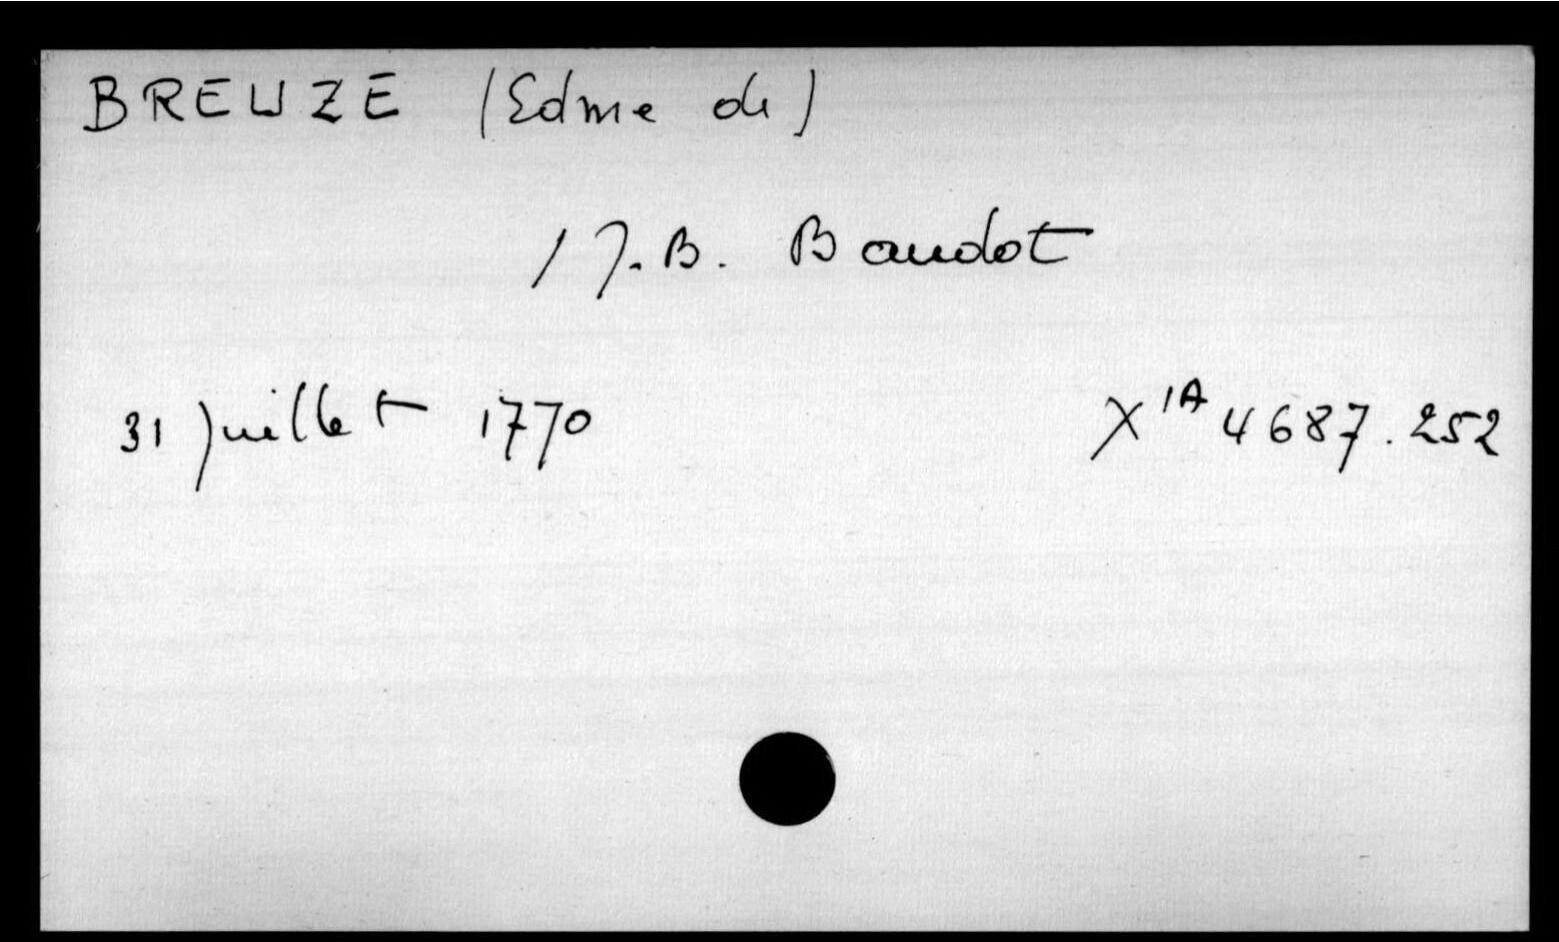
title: BREUZE (Edme de)
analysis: Contre J. B. Baudot
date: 31 juillet 1770
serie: X1A
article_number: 4687
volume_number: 252
